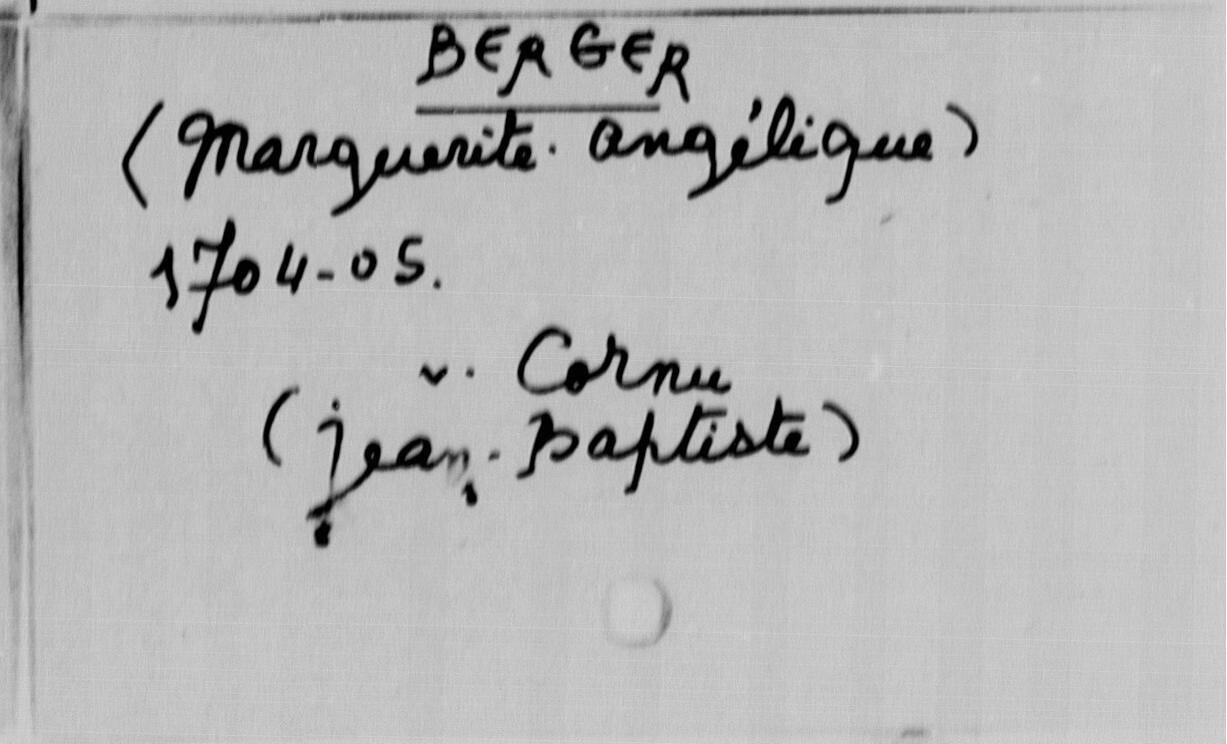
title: BERGER (Marguerite-Angélique)
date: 1704-1705
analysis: Voir : CORNU (Jean-Baptiste)
